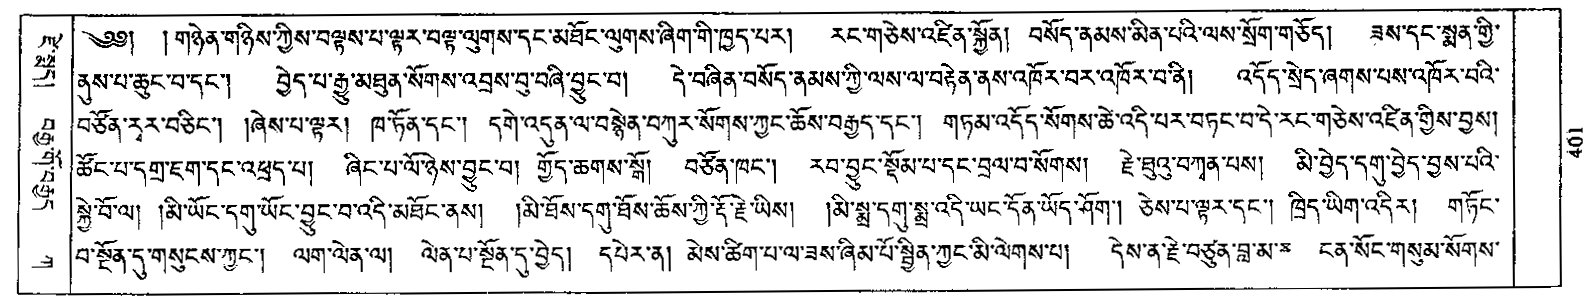༄༅། །གཉེན་གཉིས་ཀྱིས་བལྟས་པ་ལྟར་བལྟ་ལུགས་དང་མཐོང་ལུགས་ཞིག་གི་ཁྱད་པར། རང་གཅེས་འཛིན་སྐྱོན། བསོད་ནམས་མིན་པའི་ལས་སྲོག་གཅོད། ཟས་དང་སྨན་གྱི་
ནུས་པ་ཆུང་བ་དང་། བྱེད་པ་རྒྱུ་མཐུན་སོགས་འབྲས་བུ་བཞི་བྱུང་བ། དེ་བཞིན་བསོད་ནམས་ཀྱི་ལས་ལ་བརྟེན་ནས་འཁོར་བར་འཁོར་བ་ནི། འདོད་སྲེད་ཞགས་པས་འཁོར་བའི་
བཙོན་རྭར་བཅིང་། །ཞེས་པ་ལྟར། ཁ་ཏོན་དང་། དགེ་འདུན་ལ་བསྙེན་བཀུར་སོགས་ཀྱང་ཆོས་བརྒྱད་དང་། གཏམ་འདོད་སོགས་ཚེ་འདི་པར་བཏང་བ་དེ་རང་གཅེས་འཛིན་གྱིས་བྱས།
ཚོང་པ་དགྲ་ཇག་དང་འཕྲད་པ། ཞིང་པ་ལོ་ཉེས་བྱུང་བ། གཡོད་ཆགས་སྒོ། བཙོན་ཁང་། རབ་བྱུང་སྡོམ་པ་དང་བྲལ་བ་སོགས། རྗེ་ཐུའུ་བཀྭན་པས། མི་བྱེད་དགུ་བྱེད་བྱས་པའི་
སྐྱེ་བོ་ལ། །མི་ཡོང་དགུ་ཡོང་བྱུང་བ་འདི་མཐོང་ནས། །མི་ཐོས་དགུ་ཐོས་ཆོས་ཀྱི་རྡོ་རྗེ་ཡིས། །མི་སྨྲ་དགུ་སྨྲ་འདི་ཡང་དོན་ཡོད་ཤོག། ཅེས་པ་ལྟར་དང་། ཁྲིད་ཡིག་འདིར། གཏོང་
བ་སྔོན་དུ་གསུངས་ཀྱང་། ལག་ལེན་ལ། ལེན་པ་སྔོན་དུ་བྱེད། དཔེར་ན་ཨ། མེས་ཚིག་པ་ལ་ཟས་ཞིམ་པོ་སྦྱིན་ཀྱང་མི་ལེགས་པ། དེས་ན་རྗེ་བཙུན་བླ་མ་྾་ངན་སོང་གསུམ་སོགས་